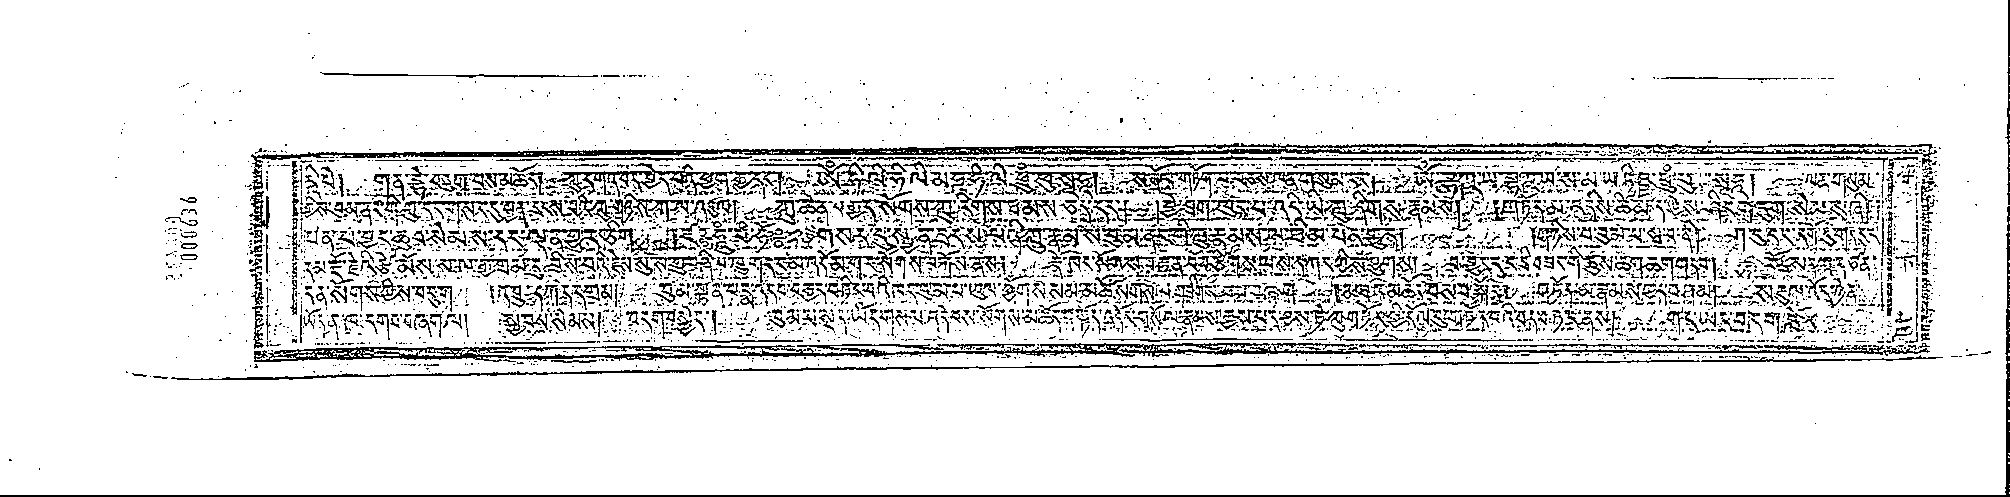དཱི་པེ། གན་དྷེ་བཅུག་པས་མཆོད། ཀླུ་དགའ་བར་བྱེད་པའི་ཕྱག་རྒྱ་དང་། ཨོཾ་ཧི་ལི་ཧི་ལི་མ་ཧཱ་ཧི་ལི་ཕྲུཾ་ཕུ་སྭཱ་ཧཱ། སེ་གོལ་གཏོག་པ་བཅས་ལན་གསུམ་དང་། ཨོཾ་བྷ་ཀྵ་ཡ་བྷ་ཀྵ་ཡ་ས་མ་ཡ་ཏིཥཊཿཨ་ཕྲུཾ་ཕུ་སྭཱ་ཧཱ། ལན་གསུམ་
གྱིས་བུམ་ནང་གི་ཀླུ་དང་གསང་དུ་སྤྱན་དྲངས་པའི་ཀླུ་གཉིས་ཀ་ལ་འབུལ། ཀླུ་ཆེན་བརྒྱད་སོགས་ཀླུ་རིགས་ཐམས་ཅད་དང་། །བྱེ་བྲག་ལུང་པ་འདི་ཡི་ཀླུ་རིགས་རྣམས། །གཏོར་མ་འདིས་ཚིམ་དགྱེས་ཤིང་གདུག་སེམས་ཞི། །
པན་པ་བྱང་ཆུབ་སེམས་དང་ལྡན་གྱུར་ཅིག །ཛཿ་ཧཱུཾ་བཾ་ཧོཿ་གྲུ་གྲུ་བཞི་པ་ཁྲུ་གང་ངམ་འདོམ་གང་སོགས་བརྐོས་ནས། རྡོ་ཐིམ་པར་གྱུར། །གཉིས་པ་བུམ་པ་སྲ་བ་ནི། ཤ་རུང་ད་དགོས་དགང་རུང་
དམ་རྡོ་རྗེའི་རྩེ་མོས་ས་ལ་རྒྱ་གྲམ་དུ་བྲིས་པའི་རྗེས་སུ་ས་གྲུ་གྲུ་བཞི་པ་ཁྲུ་གང་ངམ་འདོམ་གང་སོགས་བརྐོས་ནས། རྡོ་ཁང་སོགས་བརྟན་བོ་བརྩིགས་ལ་ས་དཀར་གྱིས་བྱུགས། བ་བྱུང་དང་དྲི་བཟང་གི་ཆུས་ཆག་ཆག་གདབ། སྤོས་དཀར་ཙན་
དན་སོགས་ཀྱིས་བདུག །འབྲུ་དཀར་དགྲམ། བུམ་སྟན་པདམ་འདབ་བརྒྱད་བཏིང་བའི་ཁར་བུམ་པ་ཡུལ་ཕྱོགས་སམ་མཚོས་གསལ་གཟིགས་སར་བཞག །མཐའ་མཆོད་པས་བསྐོར། གཏོར་མ་རྣམས་ཀྱང་བཤམ། ས་རྡུལ་འོད་ཉེན་
ཡོད་ན་ཁ་དགབ་བཞག་ལ། སྐྱབས་སེམས། བདག་བསྐྱེད། བུམ་པ་སྔར་ཡོང་གསལ་འདེབས་སོགས་མཆོད་བསྟོད་འདོང་གསོལ་རྣམས་རྒྱས་པར་བྱས་ཏེ་ཀླུ་གཏོར་ཕྱི་རོལ་དུ་གཏོར་བའི་བར་བཏང་ནས། གང་ཡང་བདག་བློ་྾་